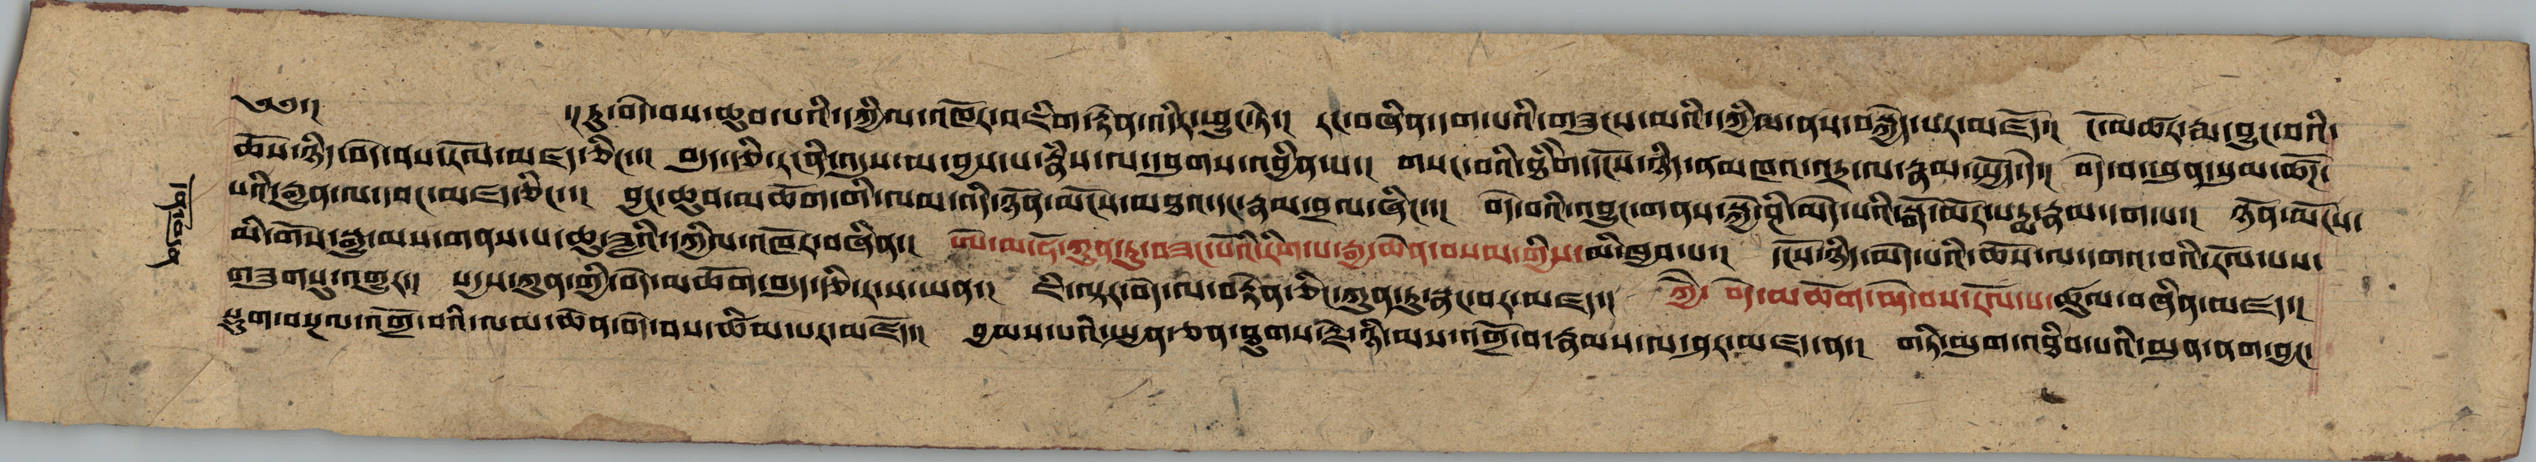༄༅་། ་།ཏུ་བདེ་བས་ཆུབ་པའི་དཀྱིལ་འཁོར་འཇིག་རྟེན་འདིར་ཕྱུང་ཏེ་། རང་བཞིན་དག་པའི་གཟུངས་མའི་དཀྱིལ་ནས་བསྐྱེད་པར་མཛོད་། ངོ་མཚར་རྨ་བྱུང་བའི་
ཆོས་ཉིད་བདེ་ནས་རོལ་མཛད་ཅིང་་། བདུད་རྩི་རངིན་འདུས་མ་བྱས་པ་རྣཾས་ལ་དབུགས་འབྱིན་པ་། གསང་བའི་ཐིགེ་དངོས་ཉིད་ནམཁའ་འདྲ་ལ་རྣམ་སྤྱོད་དེ་། བདེ་བ་ཕུན་སུམ་ཚོཌ་
པའི་རྒྱུན་ལ་དབང་མཛད་ཅིང་་། བྱང་ཆུབ་མཆོག་གི་ལམ་འདི་ཉོན་མོངས་མཐའ་དང་རྣམ་བྲལ་ཞིང་་། བདེ་བའི་འབྱུང་གནས་སྐྱེ་ཤི་མེད་པའི་སྒོ་མོར་པདྨ་རྣམ་དག་པ་། ཉོན་མོངས་
མི་གོས་སྒྱུ་མས་གནས་པ་ཆུ་ཟླའི་དཀྱིལ་འཁོར་བཞིན་། ཨེ་མ་ཧོ་ཀུན་ཏུ་བཟང་པོའི་རིག་པ་རྒྱ་ཆེན་བསམ་གྱིས་མི་ཁྱབ་པ་། དངོས་ཉིད་མེད་པའི་ཆོས་ལ་དགའ་བའི་རོལ་པས་
གཟུགསུ་འགྱུར་། སདྱས་ཀུན་གྱི་བདེ་མཆོག་བདུད་རྩི་ར་ས་ཡན་། ཇི་ལྟར་བདེ་ལ་བརྟེན་ཅིང་ཀུན་ཏུ་སྣང་བར་མཛད། ཀྱཻ་ བདེ་མཆོག་བདེ་བས་རོལ་པ་ཚུལ་བཞིན་མཛད་།
སྡུག་བསྔལ་འགྲོ་བའི་ལམ་ཆེན་བདེ་བས་ཚིམ་པར་མཛོད་། བྱམས་པའི་སྤྱན་ཅན་ཐུགས་རྗེ་ཉི་མས་འགྲོ་བ་རྣམས་ལ་ཤར་མཛད་ན་། གཏི་མུག་འཐིབ་པའི་མུན་ནག་བྱང་